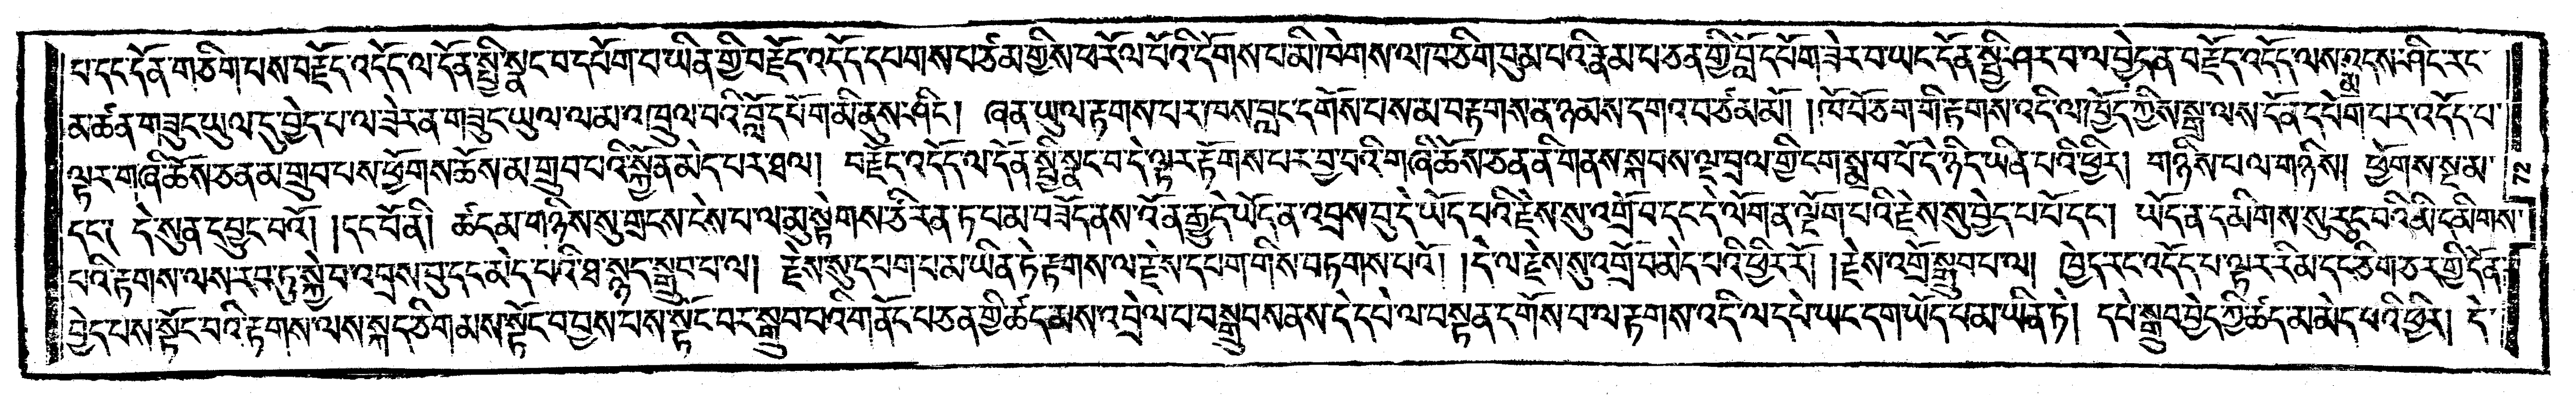པ་དང་དོན་གཅིག་པས་བརྗོད་འདོད་ལ་དོན་སྤྱི་སྣང་བ་དཔོག་པ་ཡིན་གྱི་བརྗོད་འདོད་དཔགས་པ་ཙམ་གྱིས་ཕ་རོལ་པོའི་དོགས་པ་མི་ཁེགས་ལ་ཁ་ཅིག་བུམ་པའི་རྣམ་པ་ཅན་གྱི་བློ་དཔོག་ཟེར་བ་ཡང་དོན་སྤྱི་ཤར་བ་ལ་བྱེད་ན་བརྗོད་འདོད་ལས་མ་འདས་ཤིང་རང་
མཚན་གཟུང་ཡུལ་དུ་བྱེད་པ་ལ་ཟེར་ན་གཟུང་ཡུལ་ལ་མ་འཁྲུལ་བའི་བློ་དཔོག་མི་ནུས་ཤིང་། ཞན་ཡུལ་རྟགས་པར་ཁས་བླང་དགོས་པས་མ་བརྟགས་ན་ཉམས་དགའ་བ་ཙམ་མོ། །ཁོ་བོ་ཅག་གི་རྟགས་འདི་ལ་ཁྱོད་ཀྱིས་སྒྲ་ལས་དོན་དཔོག་པར་འདོད་པ་
ལྟར་གཞི་ཆོས་ཅན་མ་གྲུབ་པས་ཕྱོགས་ཆོས་མ་གྲུབ་པའི་སྐྱོན་མེད་པར་ཐལ། བརྗོད་འདོད་ལ་དོན་སྤྱི་སྣང་བ་དེ་ལྟར་རྟོགས་པར་བྱ་བའི་གཞི་ཆོས་ཅན་ནི་གནས་སྐབས་ལྔ་བྲལ་གྱི་ངག་སྨྲ་བ་པོ་དེ་ཉིད་ཡིན་པའི་ཕྱིར། གཉིས་པ་ལ་གཉིས། ཕྱོགས་སྔ་མ་
དང་། དེ་སུན་དབྱུང་བའོ། །དང་པོ་ནི། ཚད་མ་གཉིས་སུ་གྲངས་ངེས་པ་ལ་མུ་སྟེགས་ཙི་རན་ཏ་པ་མ་བཟོད་ནས་འོ་ན་རྒྱུ་དེ་ཡོད་ན་འབྲས་བུ་དེ་ཡོད་པའི་རྗེས་སུ་འགྲོ་བ་དང་དེ་ལོག་ན་ལྡོག་པའི་རྗེས་སུ་བྱེད་པ་པོ་དང་། ཡོད་ན་དམིགས་སུ་རུང་བའི་མི་དམིགས་
པའི་རྟགས་ལས་རབ་ཏུ་སྐྱེ་བ་འབྲས་བུ་དང་མེད་པའི་ཐ་སྙད་སྒྲུབ་པ་ལ། རྗེས་སུ་དཔག་པ་མ་ཡིན་ཏེ་རྟགས་ལ་རྗེས་དཔག་གིས་བཏགས་པའོ། །དེ་ལ་རྗེས་སུ་འགྲོ་བ་མེད་པའི་ཕྱིར་རོ། །རྗེས་འགྲོ་སྒྲུབ་པ་ལ། ཁྱེད་རང་འདོད་པ་ལྟར་རིམ་དང་ཅིག་ཅར་གྱི་དོན་
བྱེད་པས་སྟོང་པའི་རྟགས་ལས་སྐད་ཅིག་མས་སྟོང་པ་བྱས་པས་སྟོང་བར་སྒྲུབ་པའི་གནོད་པ་ཅན་གྱི་ཚད་མས་འབྲེལ་པ་བསྒྲུབས་ནས་དེ་དཔེ་ལ་བསྟན་དགོས་པ་ལ་རྟགས་འདི་ལ་དཔེ་ཡང་དག་ཡོད་པ་མ་ཡིན་ཏེ། དཔེ་སྒྲུབ་བྱེད་ཀྱི་ཚད་མ་མེད་པའི་ཕྱིར། དེ་